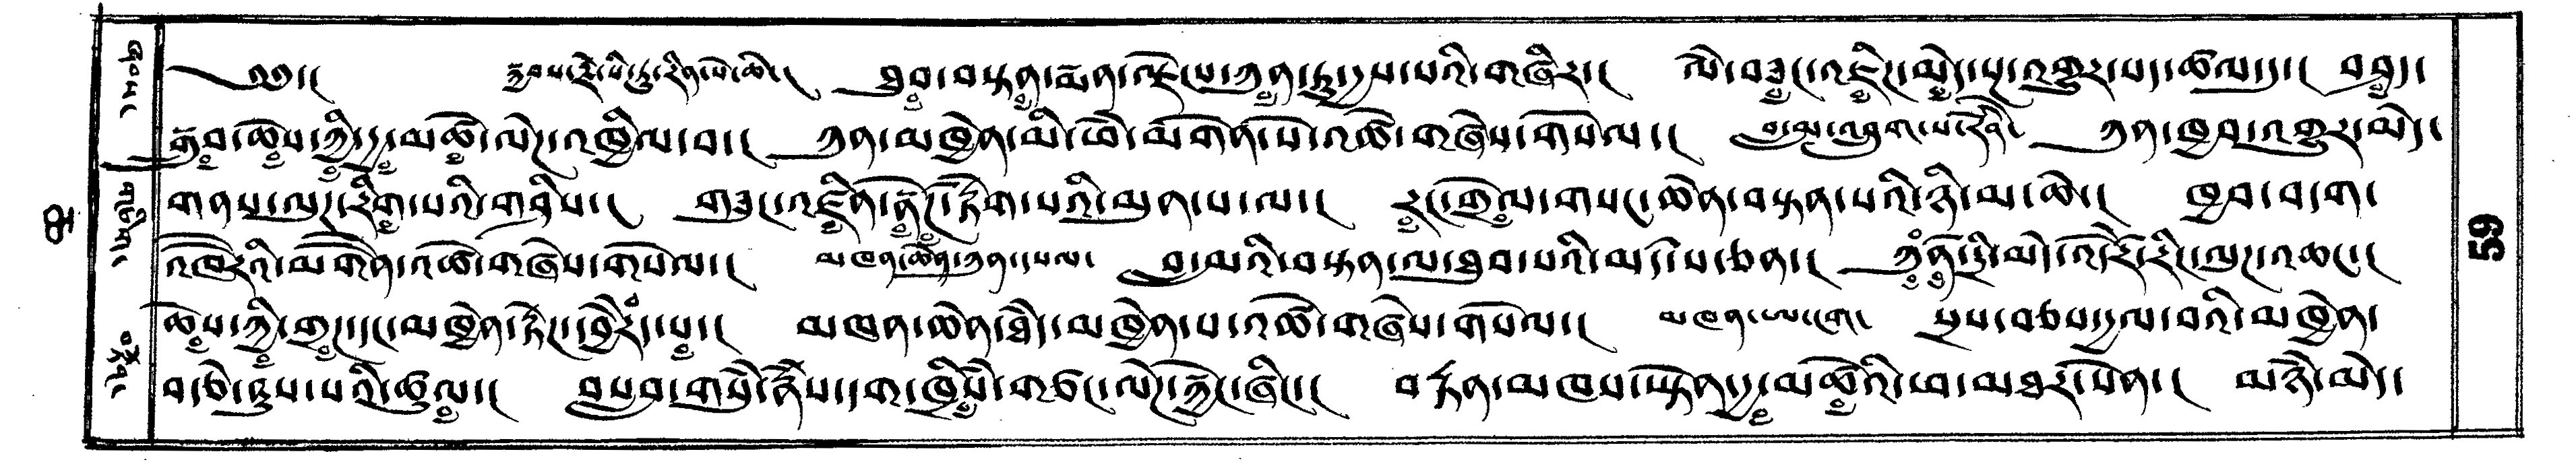༄༅། །སྐྱབས་རྗེ་སི་ཏུ་རིན་པོ་ཆེ། ཐུབ་བསྟན་སྨན་ལྗོངས་ཀུན་ཏུ་རྒྱས་པའི་གཞིར། །ལམ་བཟང་འཇིགས་མེད་སྔ་འགྱུར་པད་ཚལ་དུ། །བཤད་
སྒྲུབ་ཆོས་ཀྱི་རྒྱ་མཚོ་ལེགས་འཁྱིལ་བ། །ཀུན་མཁྱེན་མི་ཕམ་མགོན་པོ་འཚོ་གཞེས་གསོལ། བླ་མ་འབྲུག་པ་རིན་པོ་ཆེ། ཀུན་ཁྱབ་འགྱུར་མེད་
གནས་ལུགས་རིག་པའི་གཤིས། །གཟུང་འཛིན་སྣ་ཚོགས་རྟོག་པའི་མུན་པ་ལས། །རང་གྲོལ་གསང་ཆེན་བསྟན་པའི་ཉི་མ་ཆེ། ཁྱབ་བདག་
འཁོར་ལོའི་མགོན་པོ་འཚོ་གཞེས་གསོལ། མཁན་ཆེན་ཀུན་དཔལ། བླ་མའི་བསྟན་ལ་ཐུབ་པའི་མཛད་པ་ཅན། །ཀུན་བཟང་དྲི་མེད་འོད་ཟེར་རིང་ལུགས་འཆང་། །
ཆོས་ཀྱི་གྲགས་དང་མཁྱེན་རྟོགས་དབྱེར་མེད་པ། །མཁན་ཆེན་ཐམས་ཅད་མཁྱེན་པ་འཚོ་གཞེས་གསོལ། མཁན་ཨ་ངག སྲས་བཅས་རྒྱལ་བའི་མཁྱེན་
བརྩེ་ནུས་པའི་ཚུལ། །བསླབ་གསུམ་རྣམ་དག་ཁྲིམས་གཙང་ལེགས་སྐྱོང་ཞིང་། །བརྟན་མཁས་ཡོན་ཏན་རྒྱ་མཚོའི་ཕ་མཐར་སོན། །མཉམ་མེད་